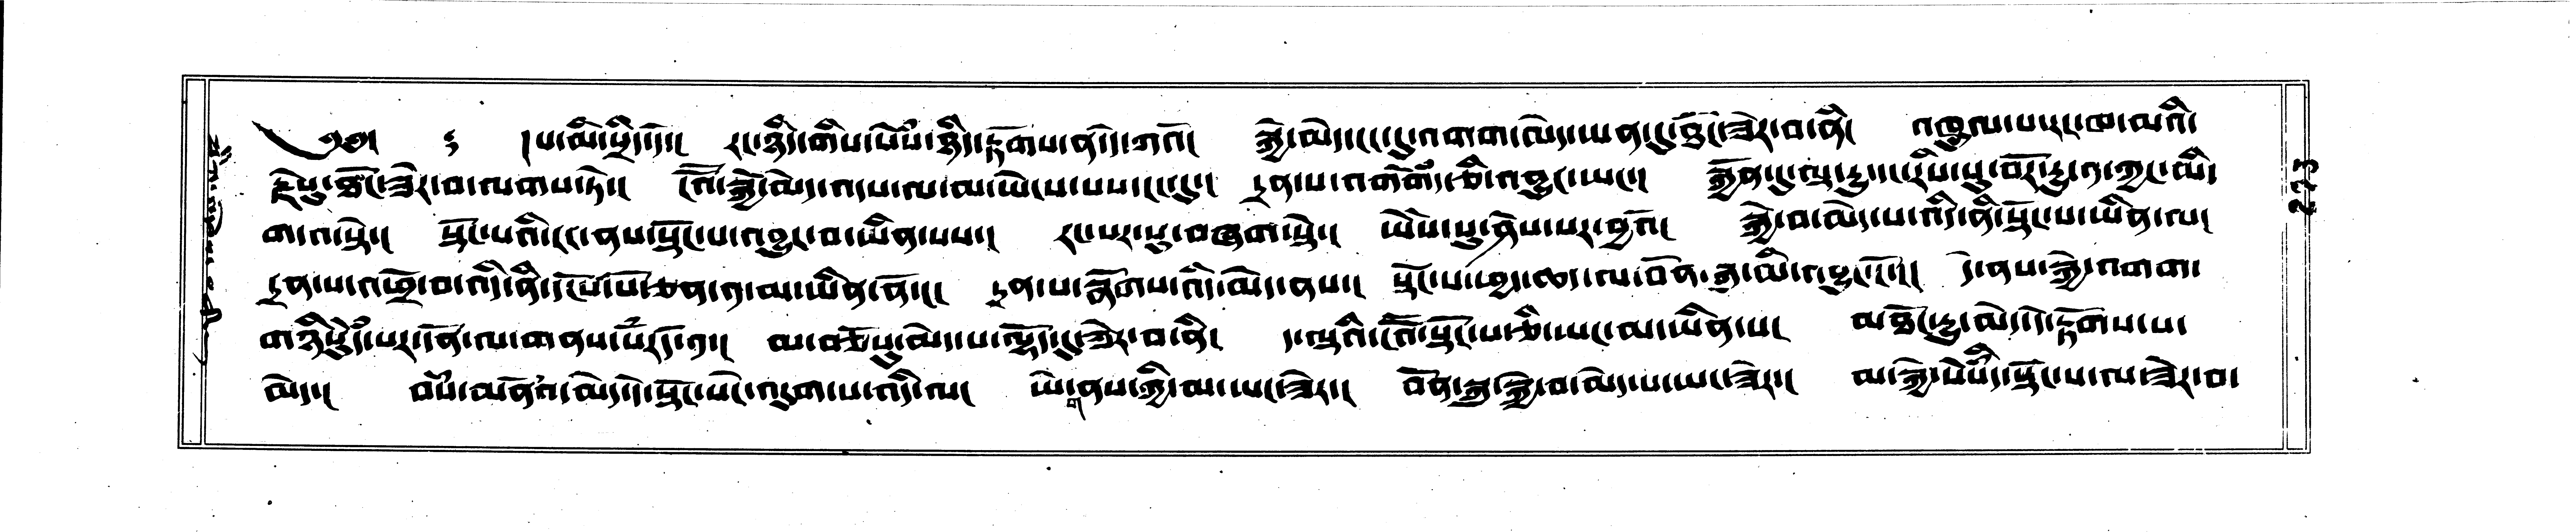པ་མི་སྲིད་དེ། རང་གིས་སེམས་རྟོགས་ན་དེ་ཀ་འོ། སྐྱེ་མེད་ཀྱིས་ངང་དུ་འགག་མེད་ཡན་དུ་ཆོལ་ཟེར་བ་ནི། འཁྲུལ་པ་རང་ཀ་མའི
རྗེས་སུ་འབྲེང་ཟེར་བ་ནི། མ་ལགས་ཏེ། ངོའོ་སྐྱེ་མེད་འདི་ལ་མི་ཡེངས་པའི་ངང་དུ། དྲན་པ་འགག་མེད་ཅི་བྱུང་ཡང སྐྱོན་དུ་ལྟ་རྒྱུ་དང་རས་སུ་བོར་རྒྱུ་གཅིག་ཀྱང་མི་
གདའོ། སྟོང་པའི་ངང་ནས་སྟོང་པ་བྱུང་བ་ཡིན་པས་རང་སངས་སུ་བཞག་སྟེ། ཡེ་ཤེས་སུ་ཤེས་པར་བྱའོ། སྐྱེ་བ་མེད་པ་འདི་ནི་སྟོང་པ་ཡིན་པ་ལ། 
དྲན་པ་འཕྲོ་བ་འདི་ནི། དངོས་པོ་ཅན་གཅིག་མ་ཡིན་ནོ། དྲན་པ་སྣ་ཚོགས་འདི་མེད་ན། སྟོང་པ་ཕྱལ་ཆད་ལ་བོན་སྐུ་མི་འབྱུང་ངོ་། དེ་ན་སྐྱེ་འགག་
མེད་པར་དོན་ལ་གནས་པར་མཛོད་ཅིག མ་བཅོས་སུ་མེད་པའི་ཀློང་དུ་ཟེར་བ་ནི། ད་ལྟའི་ངོའོ་སྟོང་པ་ཅི་ཡང་མ་ཡིན་པ། མཐོང་རྒྱུ་མེད་དེ་རྟོག་པ་
མེད། བསམ་མནོ་མེད་དེ་སྟོང་སང་ངེ་འདུག་པ་འདི་ནི་ཡེ་གནས་ཀྱིས་མ་ཡང་ཟེར། བོན་སྐུ་གཡོ་བ་མེད་པ་ཡང་ཟེར། མ་སྐྱེས་སེམས་ཉིད་སྟོང་པ་ཡང་ཟེར་བ་